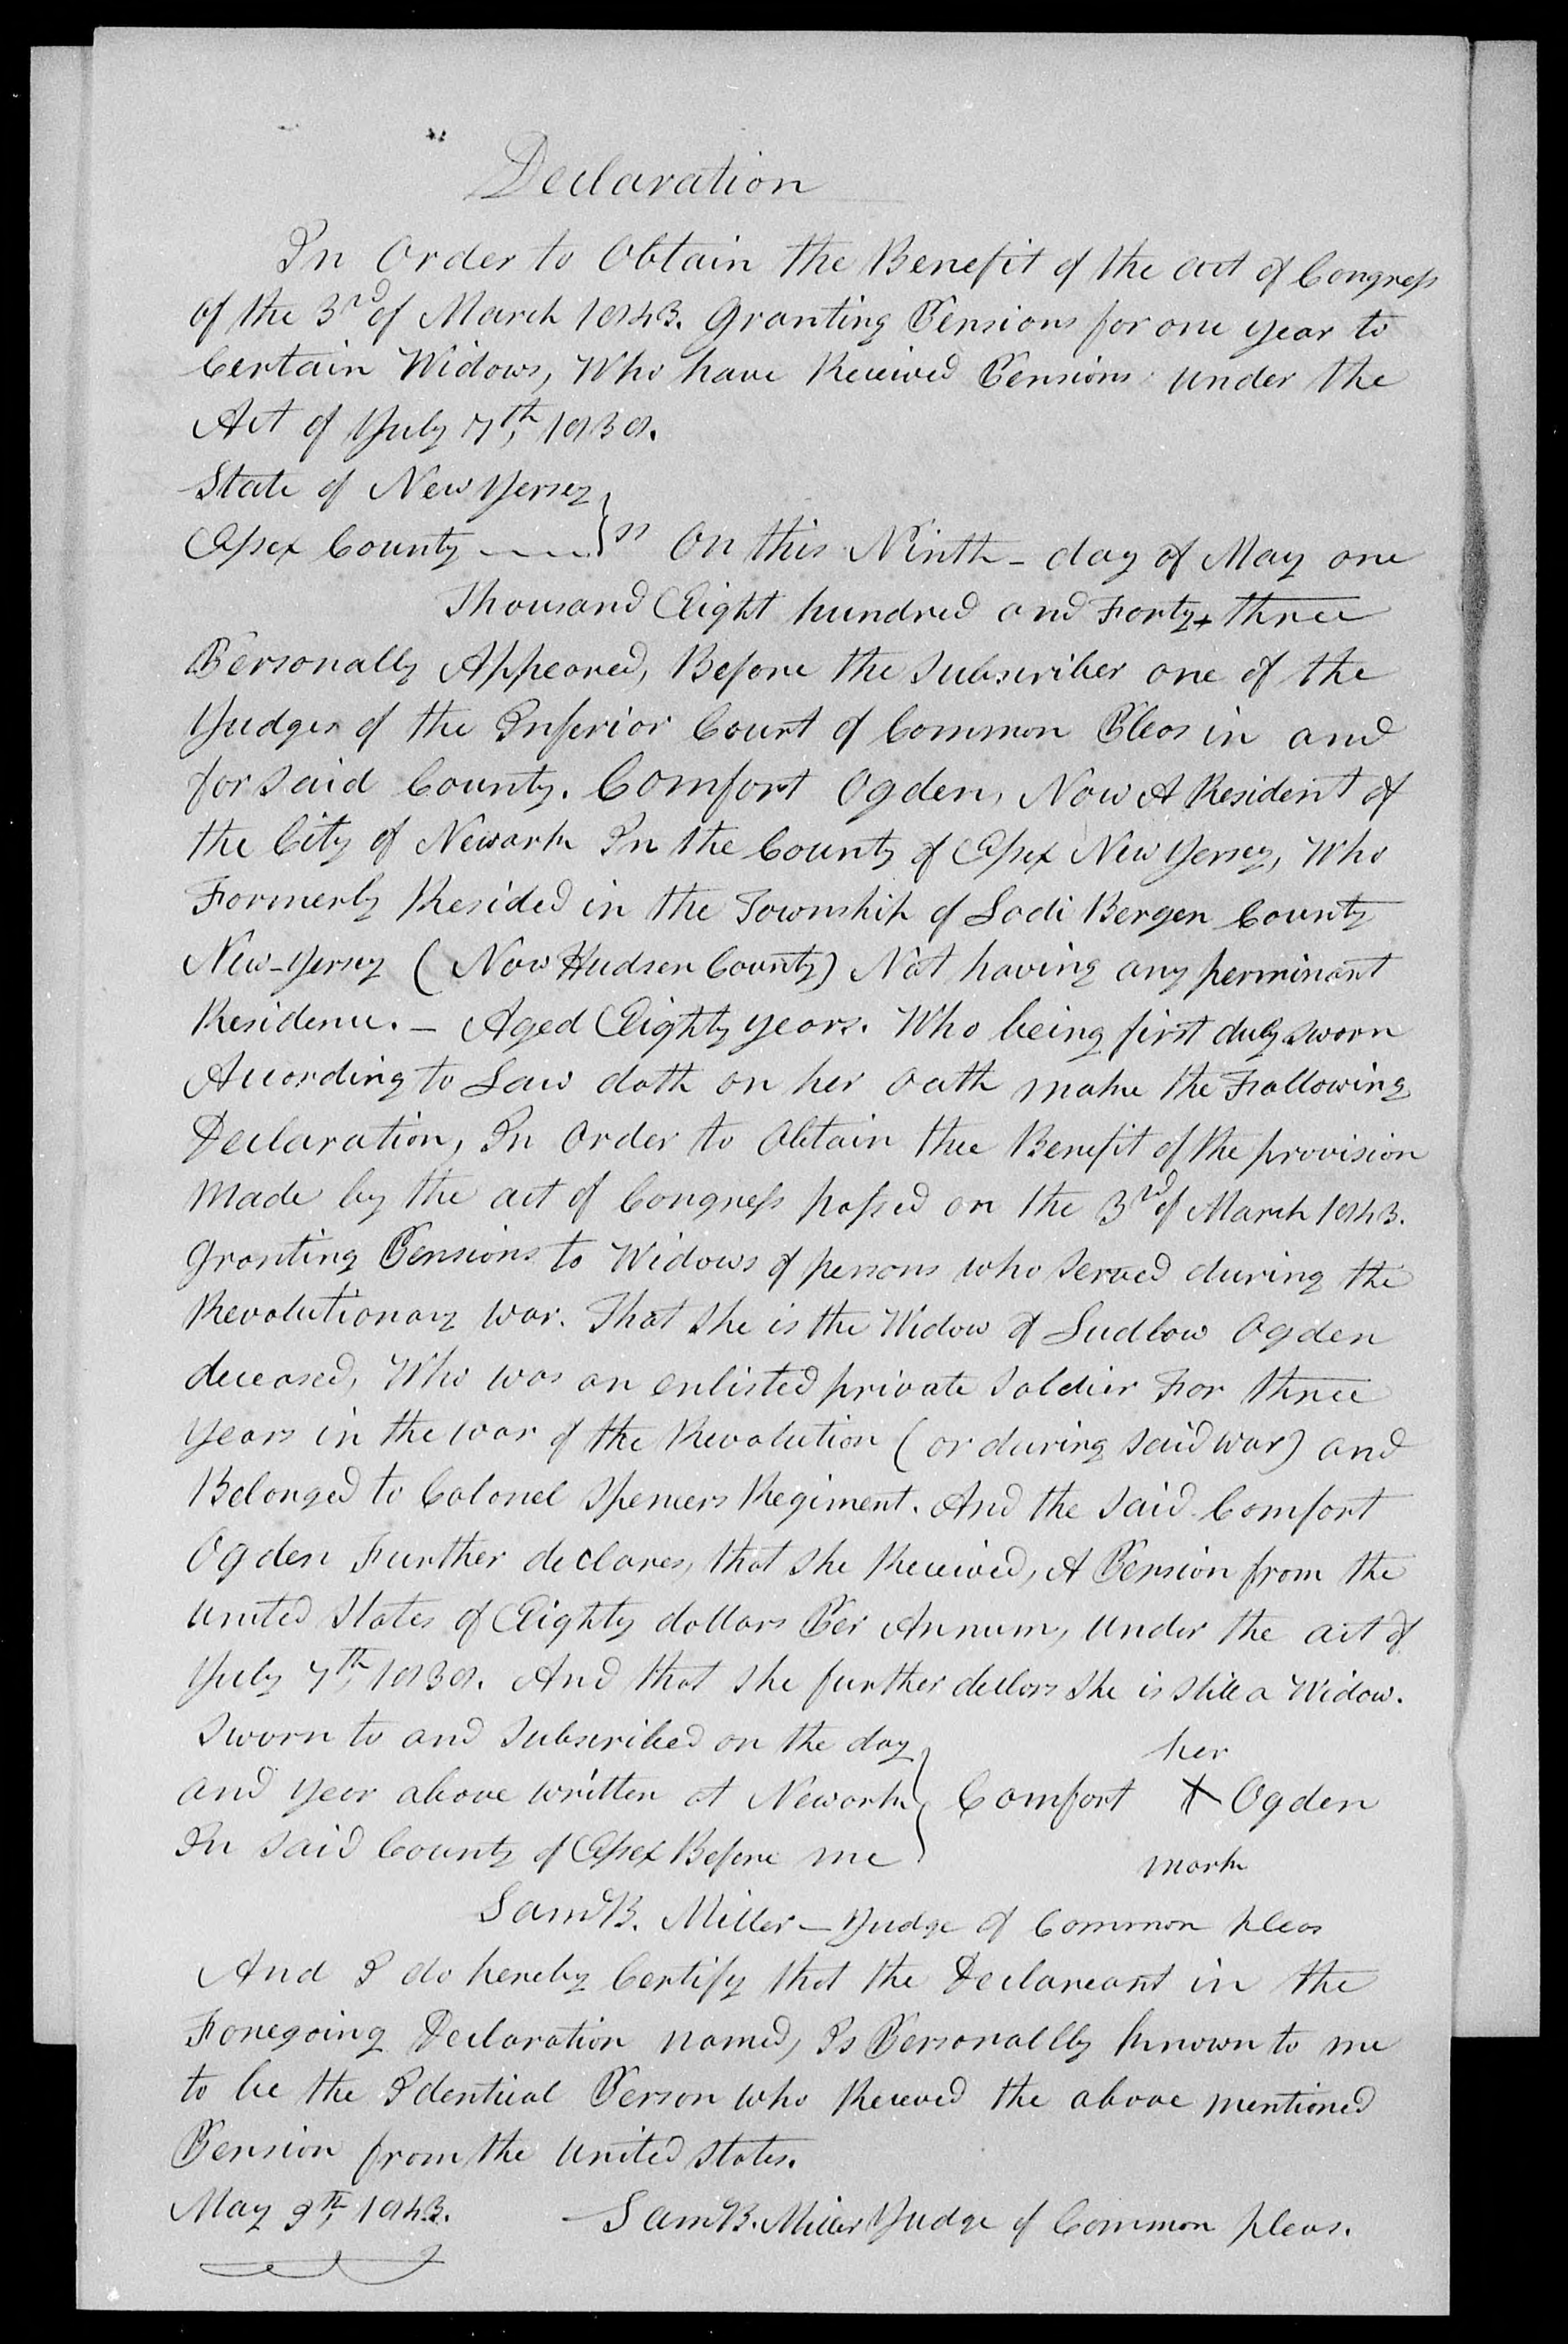Declaration

In Order to Obtain the Benefit of the act of Congress of the 3rd of March 1843. Granting Pensions for one year to Certain Widows, Who have Received Pensions under the Act of July 7th, 1838.

State of New Jersey  )
Essex County            ) ss
On this Ninth day of May one Thousand Eight hundred and Forty three Personally Appeared Before the Subscriber one of the Judges of the Inferior County of Common Pleas in and for Said County, Comfort Ogden, Now A Resident of the City of Newark in the County of Essex New Jersey, Who Formerly Resided in the township of Lodi Bergen County New Jersey (Now Hudson County) Not having any perminent Residence. - Aged Eighty years.  Who being first duly sworn According to Law doth on her oath make the Following Declaration, In order to Obtain the Benefit of the provision made by the act of Congress passed on the 3rd of March 1843, Granting Pensions to Widows of persons who Srved during the Revolutionary War.  That she is the Widow of Ludlow Ogden deceased, Who was an enlisted private Soldier For three years in the war of the Revolution (or during said war) and Belonged to Colonel Spencers Regiment.  And the said Comfort Ogden Further declares that she Received A Pension from the United States of Eighty dollars Per Annum, under the act of July 7th 1838.  And that she further declares She is still a Widow.
   Comfort (her mark) Ogden
Sworn to and Subscribed on the day )
and year above written at Newark      )
In said County of Essex Before me      )
   Saml B. Miller - Judge of Common Pleas
And I do hereby Certify that the Declarant in the Foregoing Declaration named, Is Personally known to me to be the Identical Person who Received the above mentioned Pension from the United States.
May 9th, 1843.  Saml B. Miller Judge of Common Pleas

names: Saml B Miller; Comfort Ogden; Ludlow Ogden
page: 24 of 25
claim: widow's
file: W. 187, for Ludlow Ogden, New Jersey